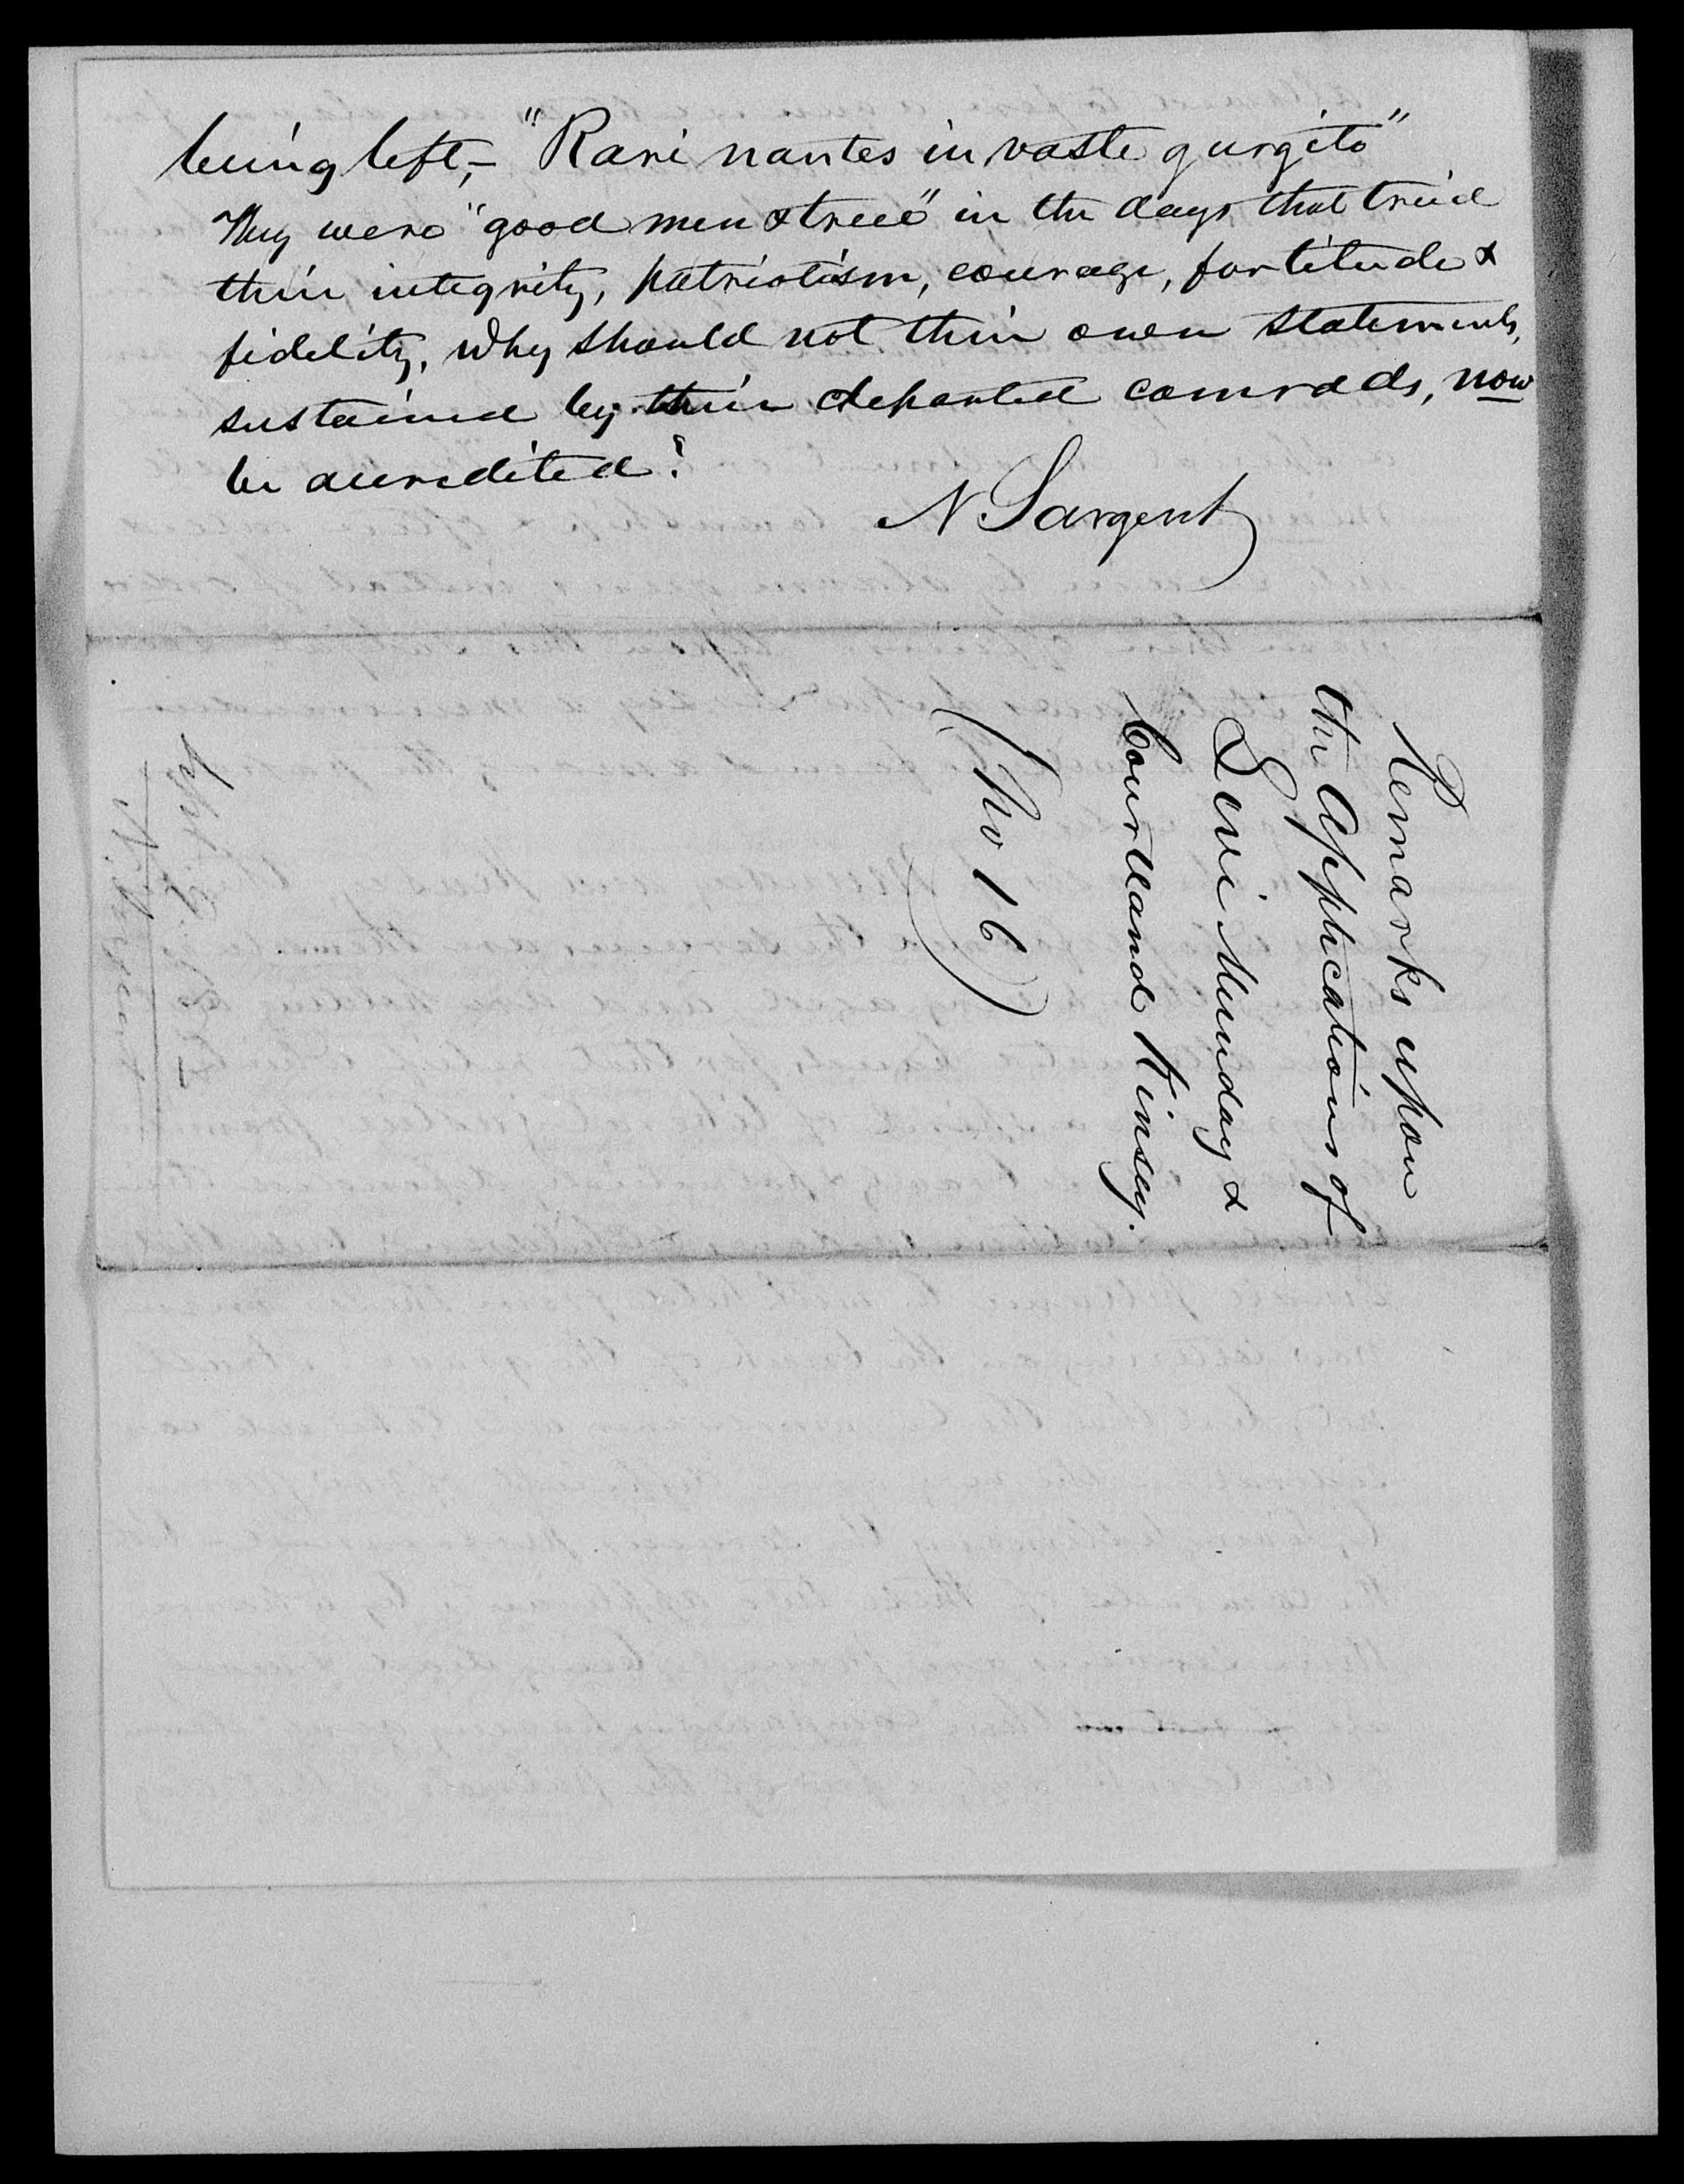...being left, "Rari nantes in vasto gurgite [a.k.a gurgite vasto]" [Latin phrase meaning, "few are swimming in the vast"]. They were "good men & true" in the days that tried their integrity, patriotism, courage, fortitude & fidelity, why should not their own statements sustained by their departed comrades, now be accredited?
s/ N. Sargent

Remarks upon the applications of Levi Munday & Courtland Kinsey.

(No. 16)

Sep. 9, 1853
N. Sargent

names: Levi Munday; Courtland Kinsey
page: 95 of 95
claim: survivor's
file: S 2889, for Levi Mundy, New Jersey